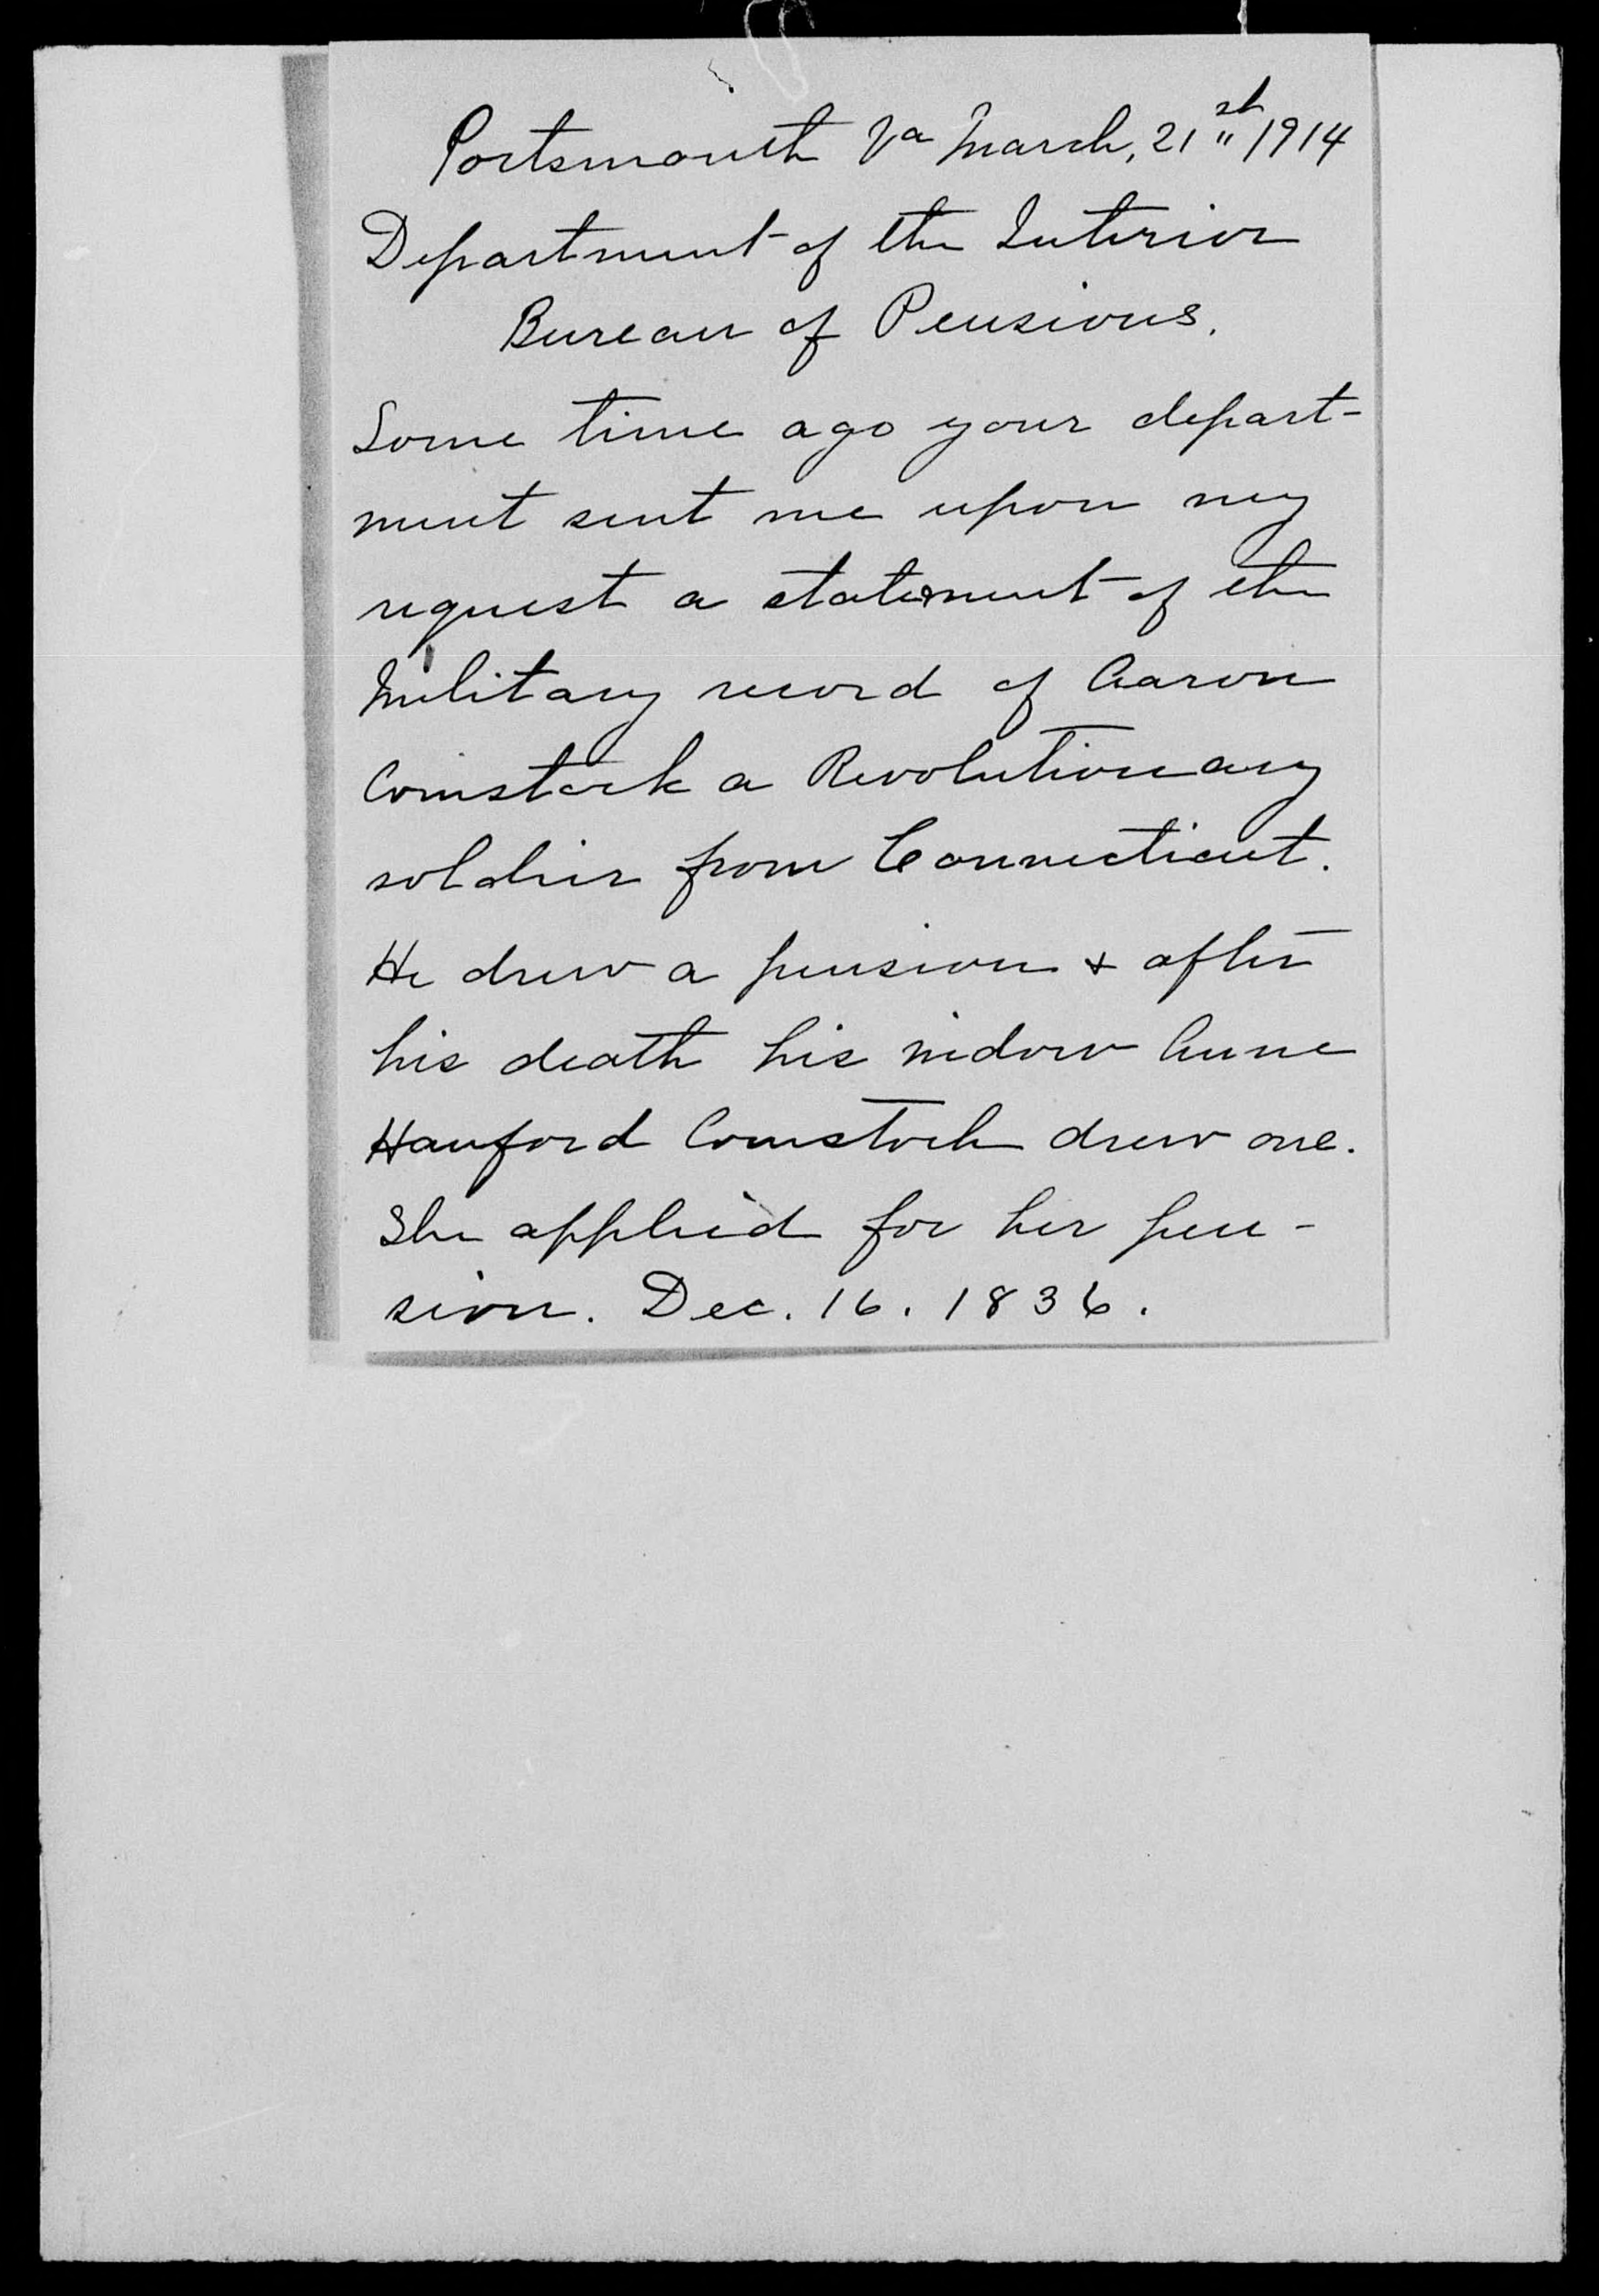Portsmouth Va March, 21st 1914
Department of the Interior
Bureau of Pensions.

Some time ago your department sent me upon my request a statement of the military record of Aaron Comstock a Revolutionary soldier from Connecticut.

He drew a pension & after his death his widow Anne Hanford Comstock drew one. She applied for her pension, Dec. 16, 1836.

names: Anne Hanford Comstock, Aaron Comstock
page: 17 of 43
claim: widow's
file: W. 17,647, Aaron Comstock, Conn.